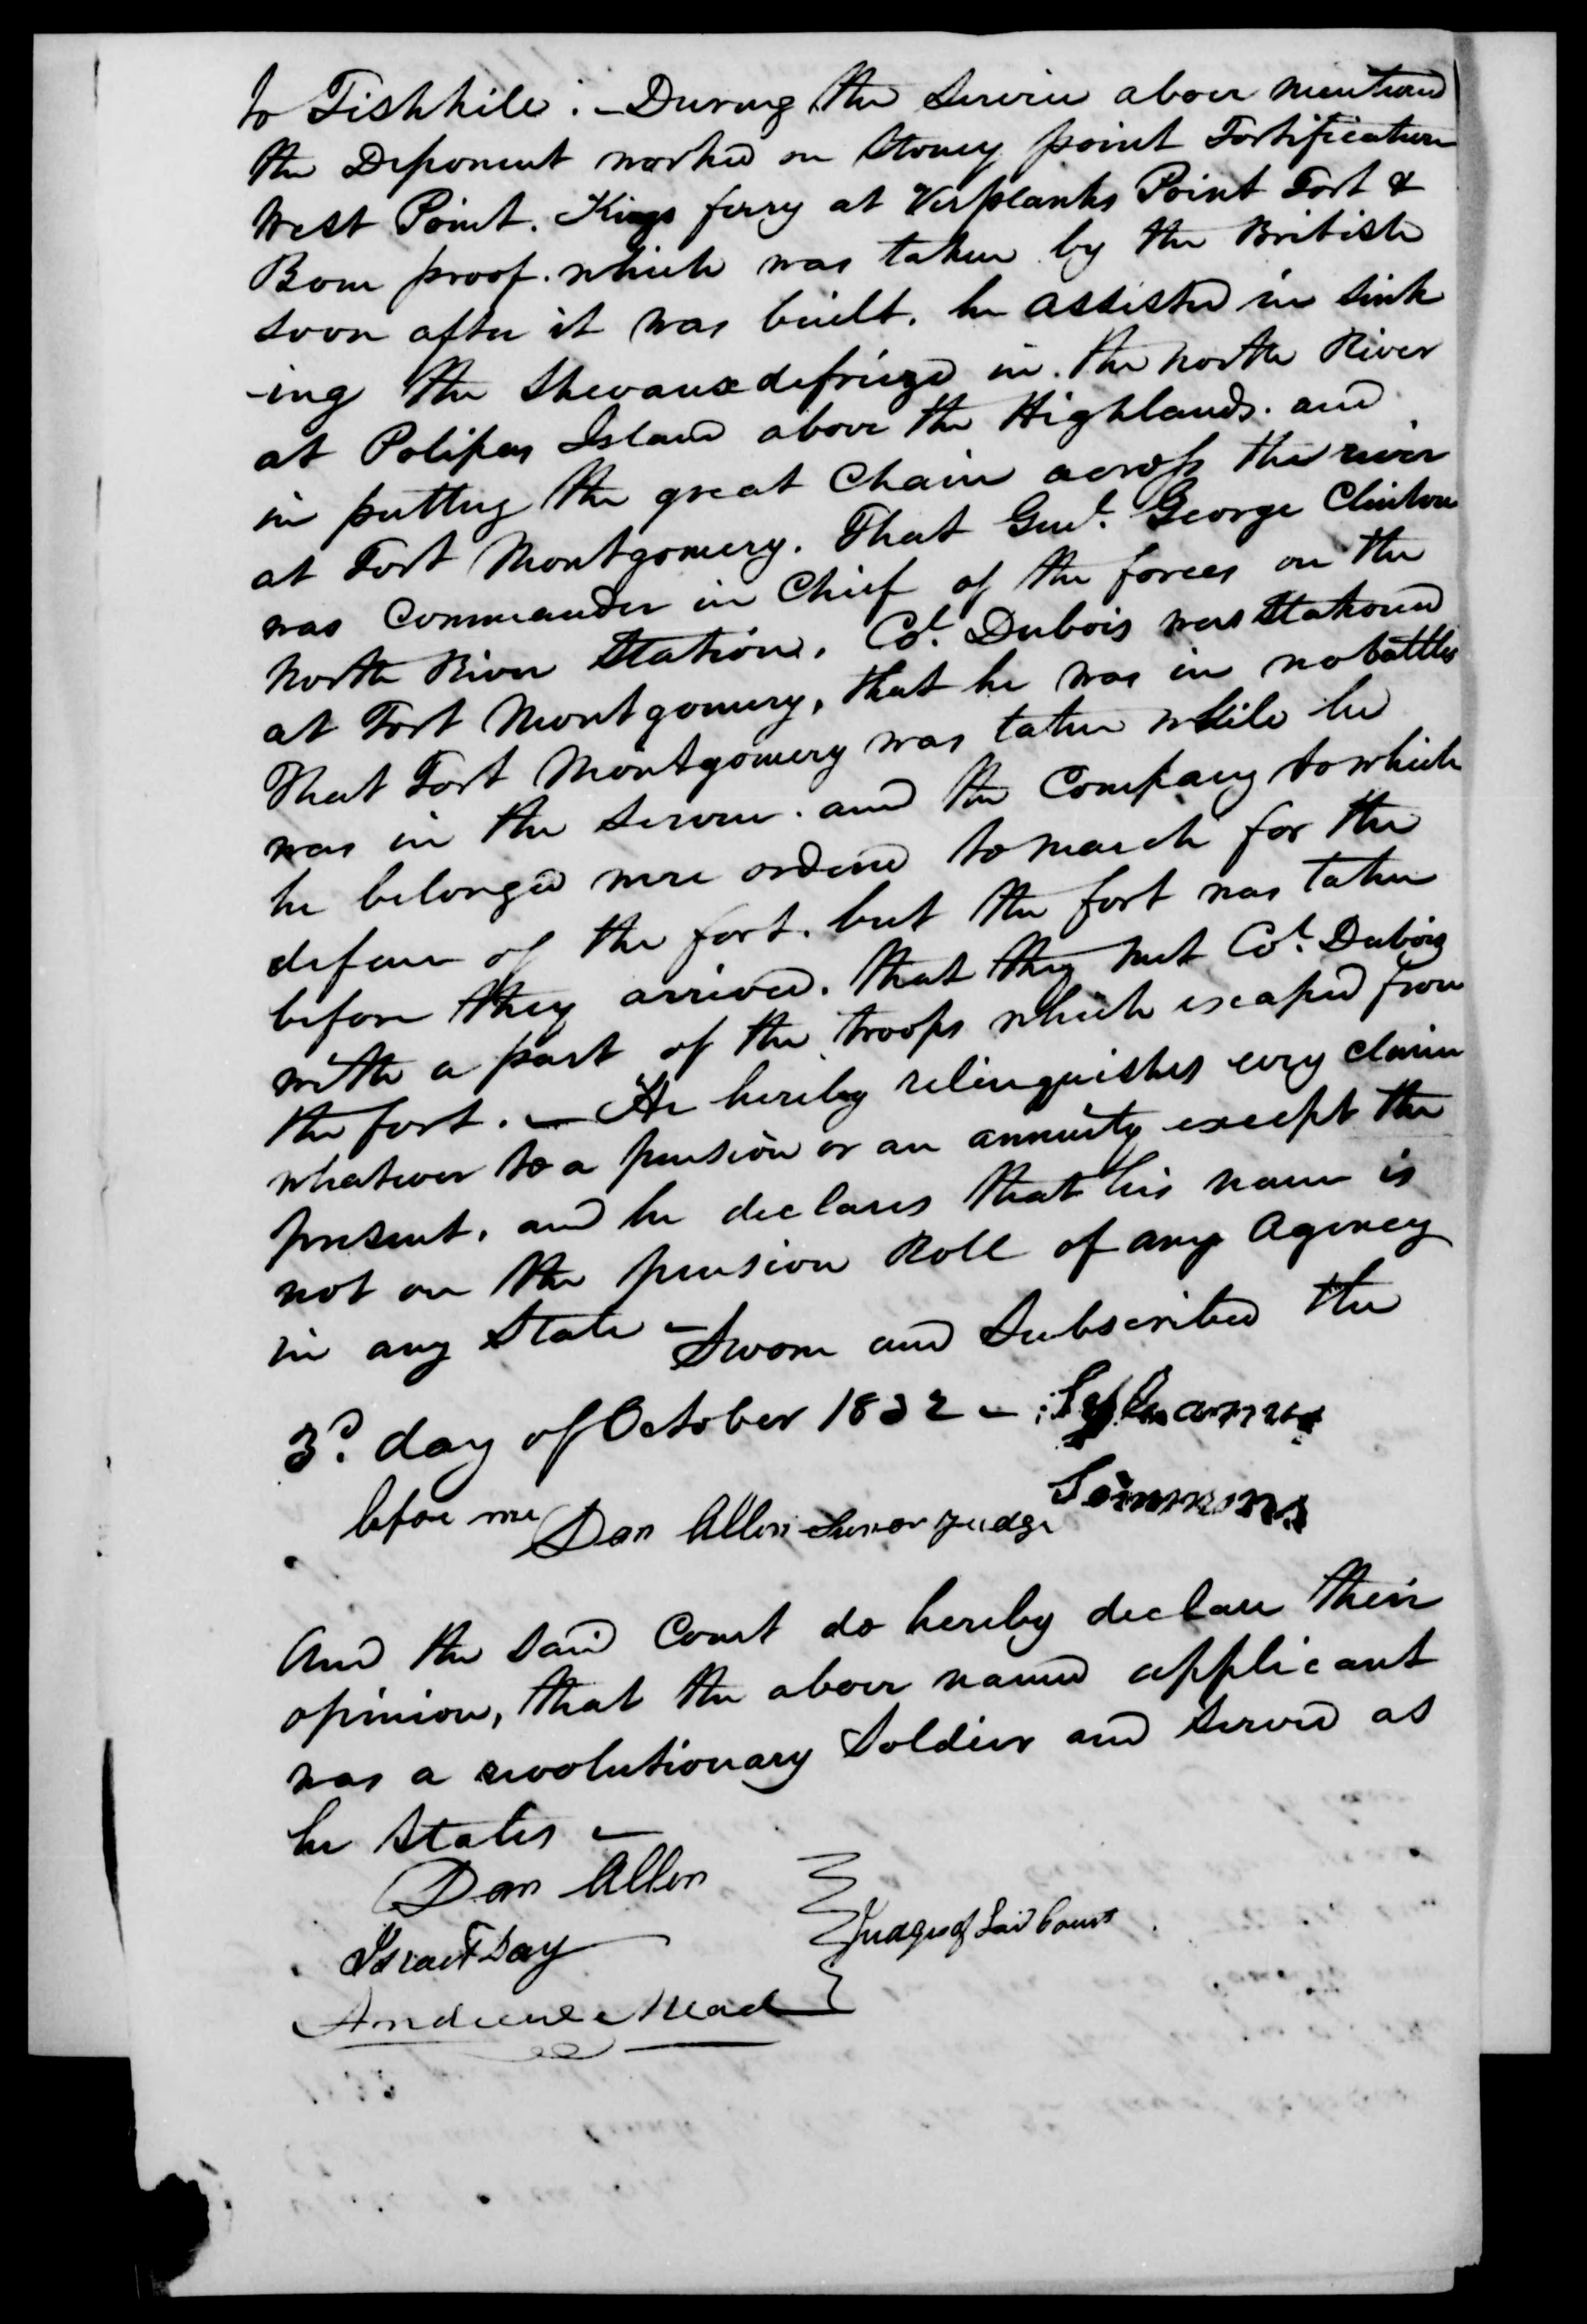to Fishkill. During the service above mentioned
the Deponent worked on Stony point Fortification,
West Point, Kings ferry at Verplanks Point Fort &
Born proof which was taken by the British
soon after it was built. he assisted in sinking
the [illegible] in the North River
at Polipus Island above the Highlands and
in putting the great chain across the
at Fort Montgomery. That Genl George Clinton
was commander in chief of the forces on the
North River Station Col Dubois was stationed
at Fort Montgomery, that he was in no battles
That Fort Montgomery was taken while he
was in the service and the Company to which
he belonged were ordered to march for the
defense of the fort, but the fort was taken
before they arrived. That they met Col. Dubois
with a part of the troops which escaped from
the fort. He hereby relinquishes every claim
whatever to a pension or an annuity except the
present, and he declares that his name is
not on the pension Roll of any Agency
in any State 
Sworn and subscribed the
3d day of October 1832 
before me 
Dan Allen Senior Judge
Sylvanus Simmons
and the said Court do hereby declare their
opinion, that the above named applicant
was a revolutionary Soldier and served as
he states
Dan Allen
Israel Day
Andrew Mead
Judges of said County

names: George Clinton; Andrew Mead; [BLANK] Dubois; Dan Allen; [BLANK] Dubois; Sylvanus Simmons; Dan Allen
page: 5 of 31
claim: survivor's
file: S. 14484, for Sylvanus Simmons, New York